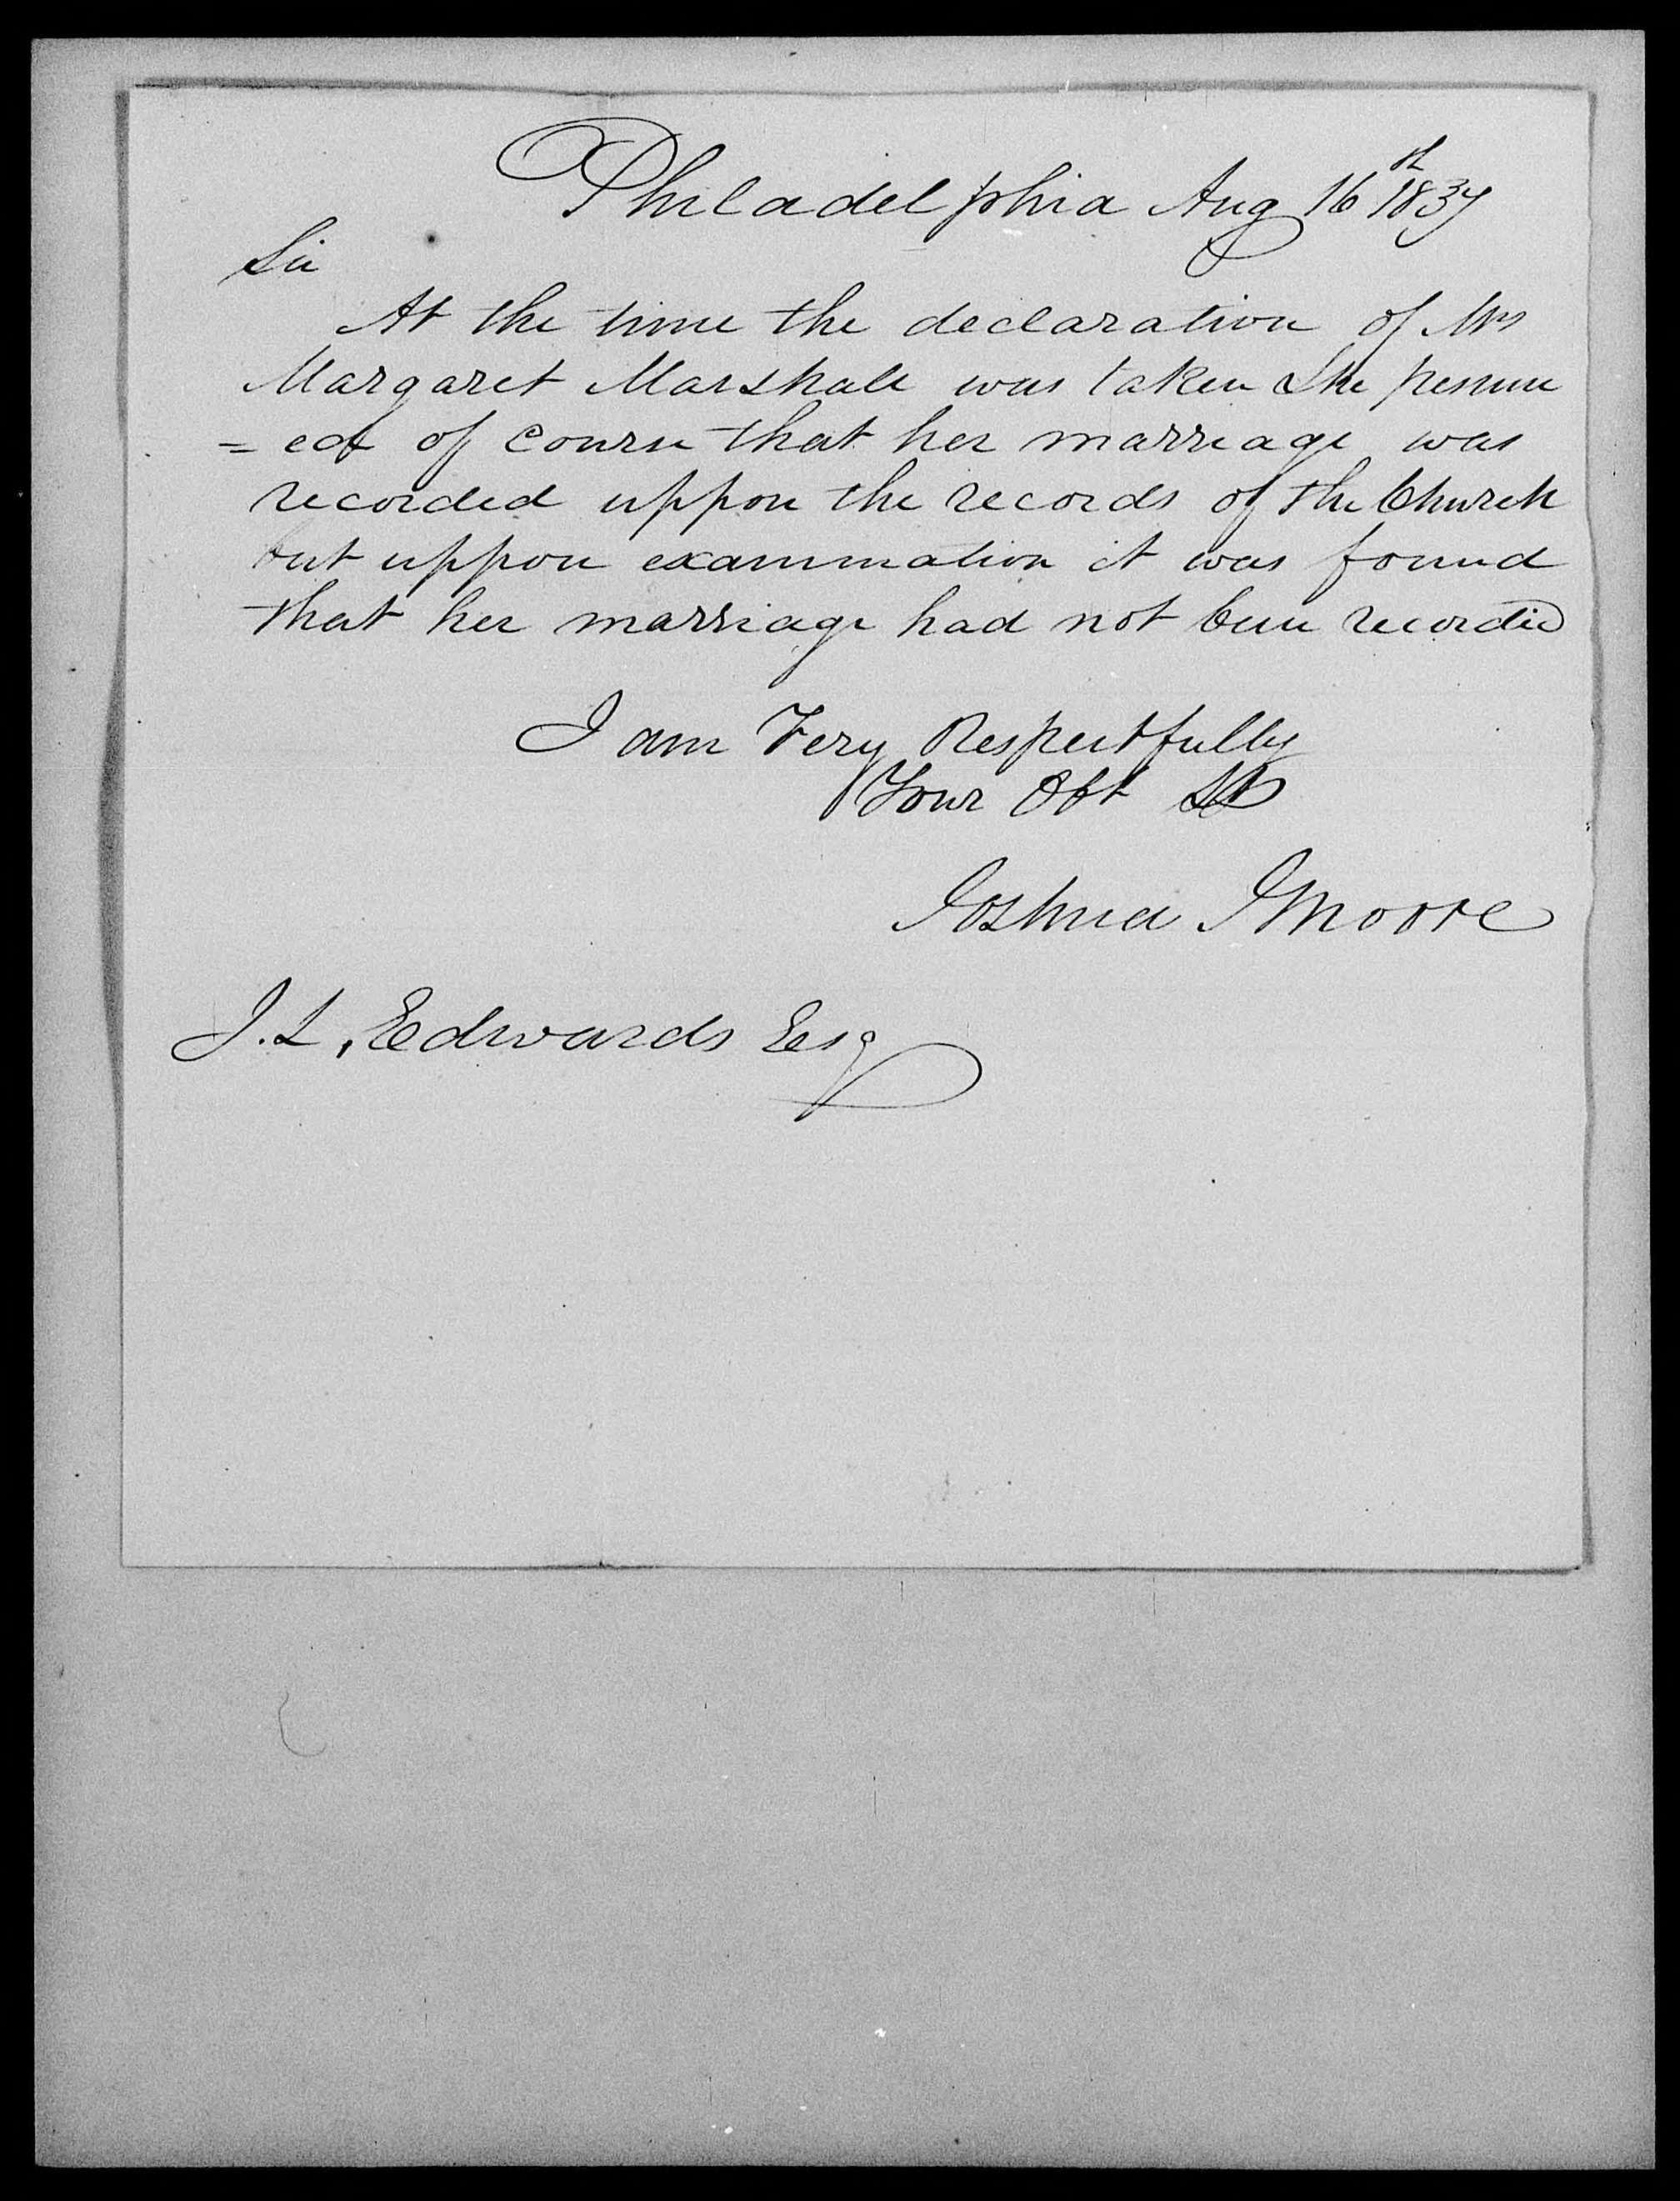Philadelphia Aug 16th 1839

Sir

At the time the declaration of Mrs. Margaret Marshall was taken she presumed of course that her marriage was recorded upon the records of the Church but upon examination it was found that her marriage had not been recorded.

I am Very Respectfully
Your Obt St
Joshua G Moore

J.S. Edwards Esq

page: 31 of 86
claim: widow's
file: W. 3571, for David Marshall, Pennsylvania